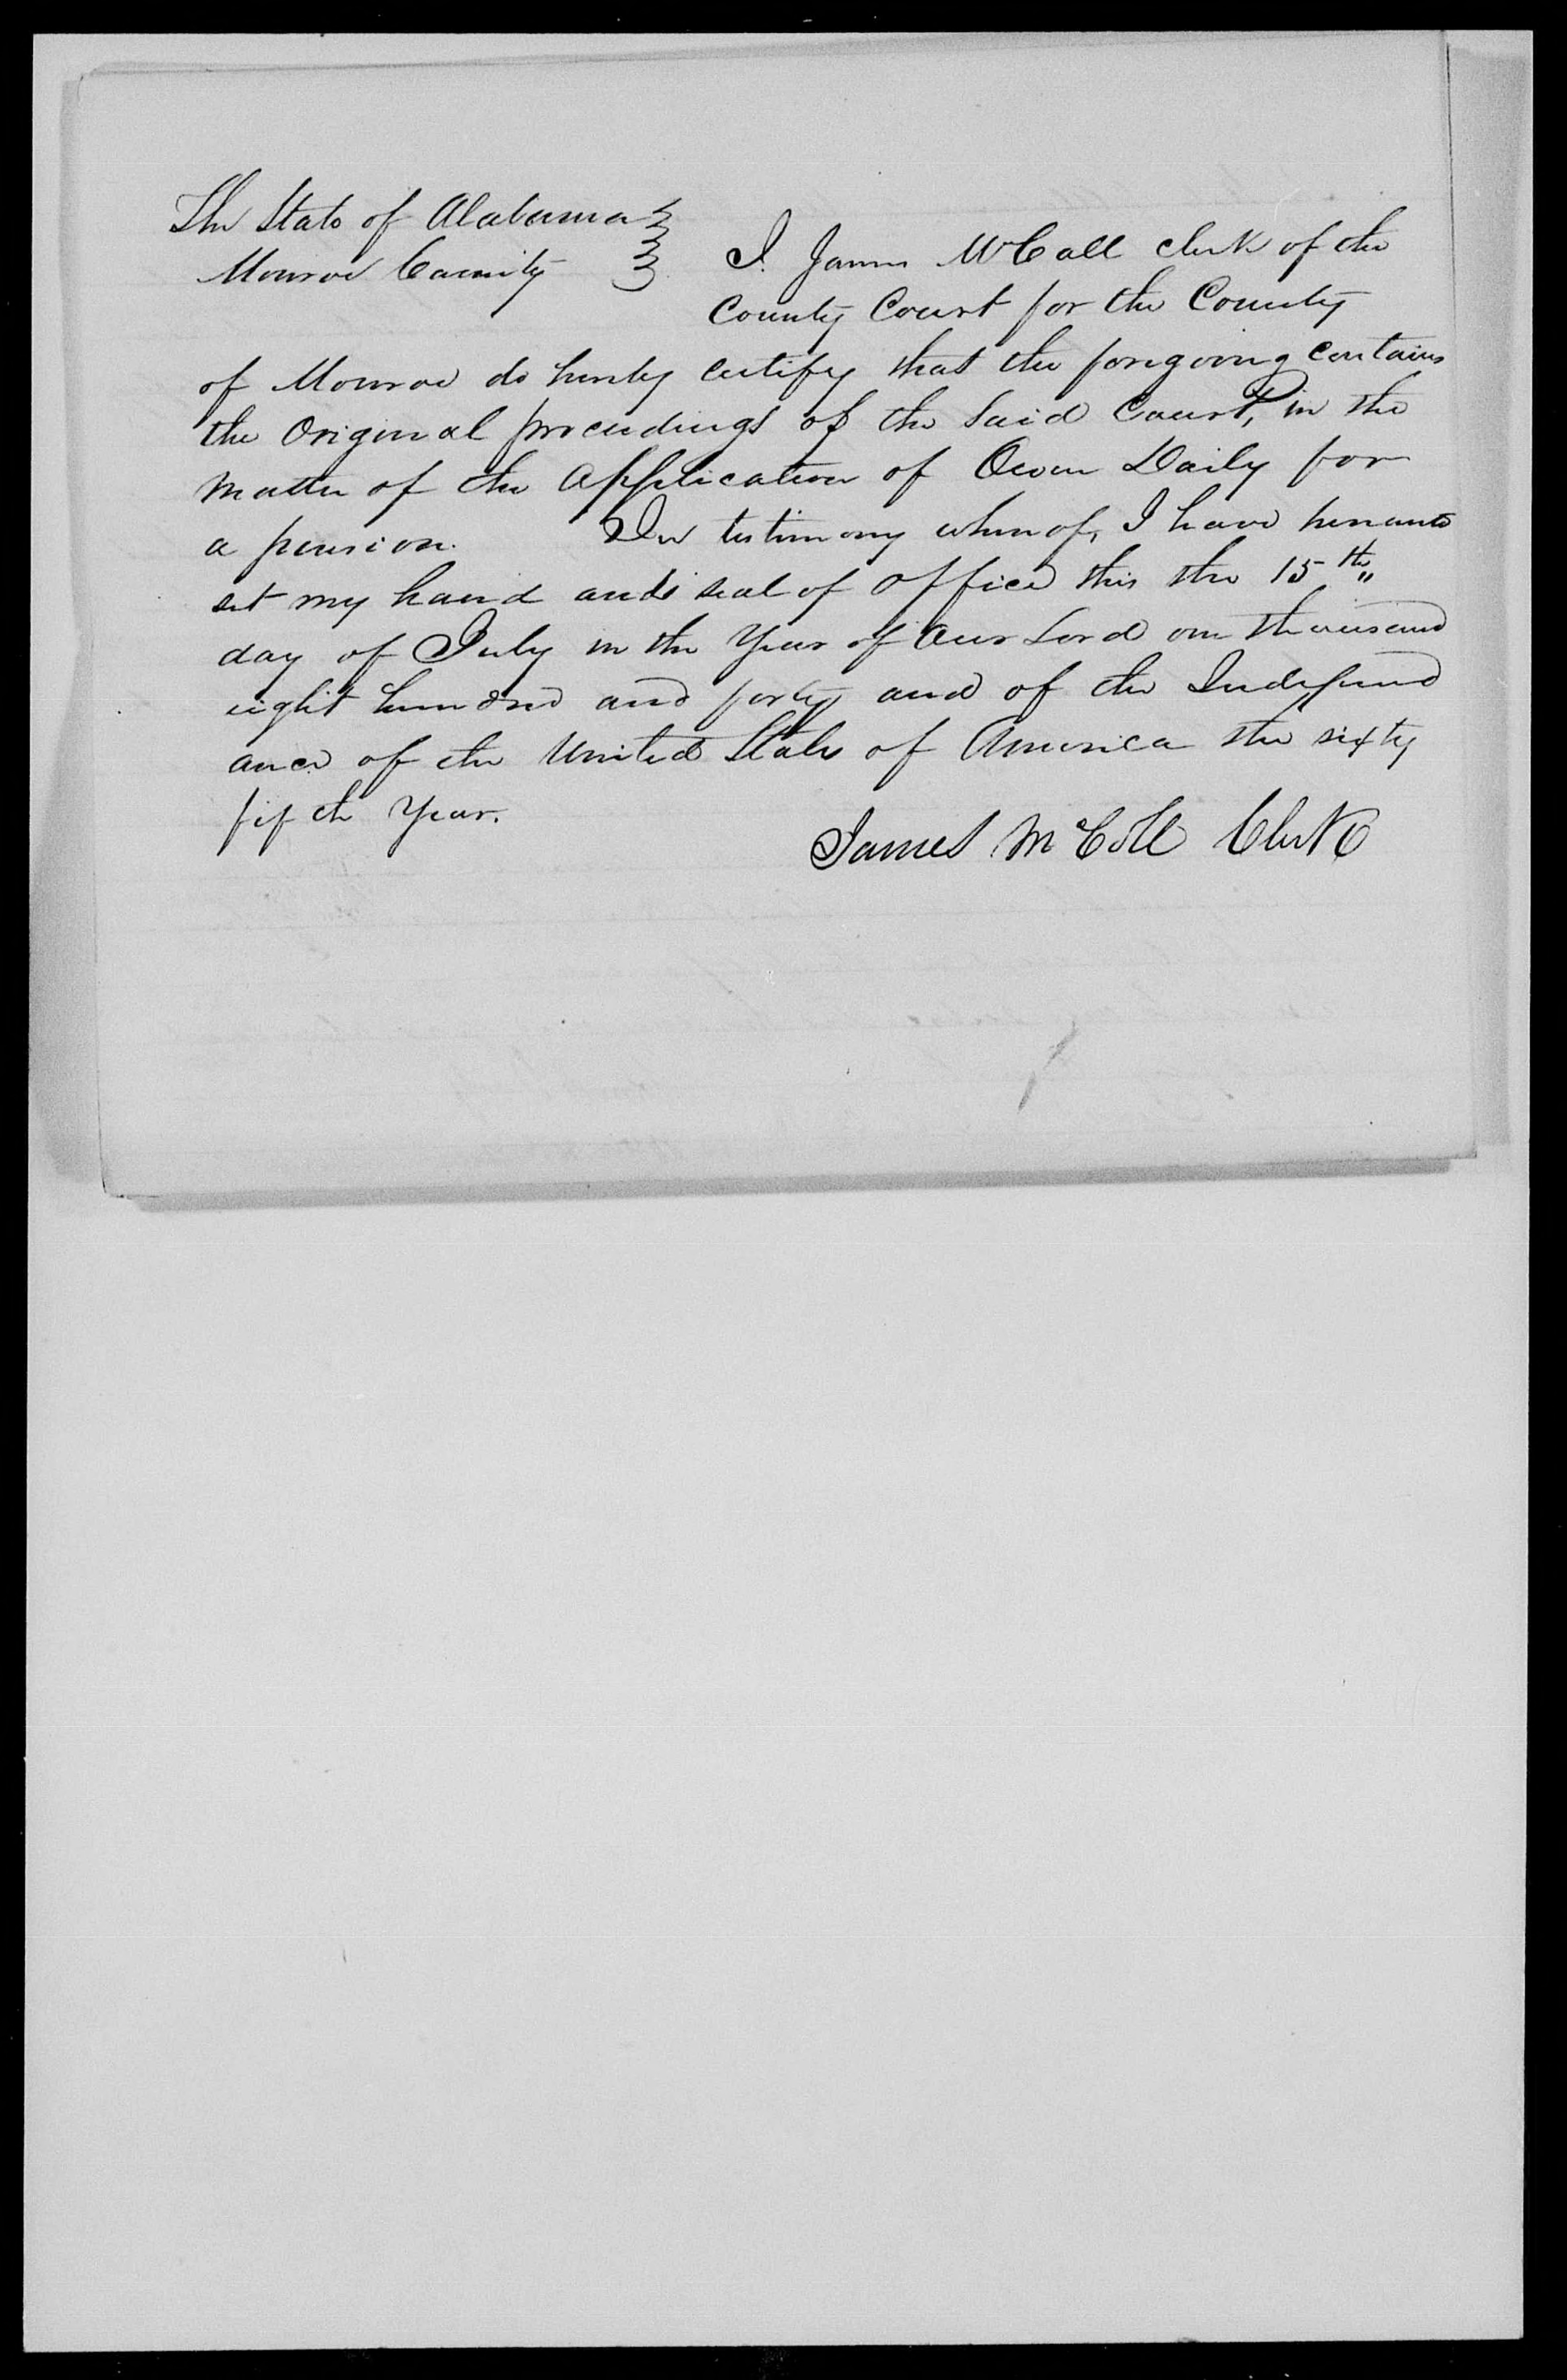The State of Alabama}
Monroe County}

I James McColl Clerk of the
County Court for the County
of Monroe do hereby certify that the foregoing contains
the Original proceedings of the said Court, in the
matter of the application of Owen Daily for
a pension.

In testimony whereof, I have hereunto
set my hand and seal of Office this the 15th
day of July in the year of our Lord one thousand
eight hundred and forty and of the Independ
ance of the United States of America the sixty
fifth year.
James Mc Coll Clerk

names: Owen Daily, James Mc Coll, James Mc Coll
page: 7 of 13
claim: rejected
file: R. 2,622, Owen Dailey, S.C.